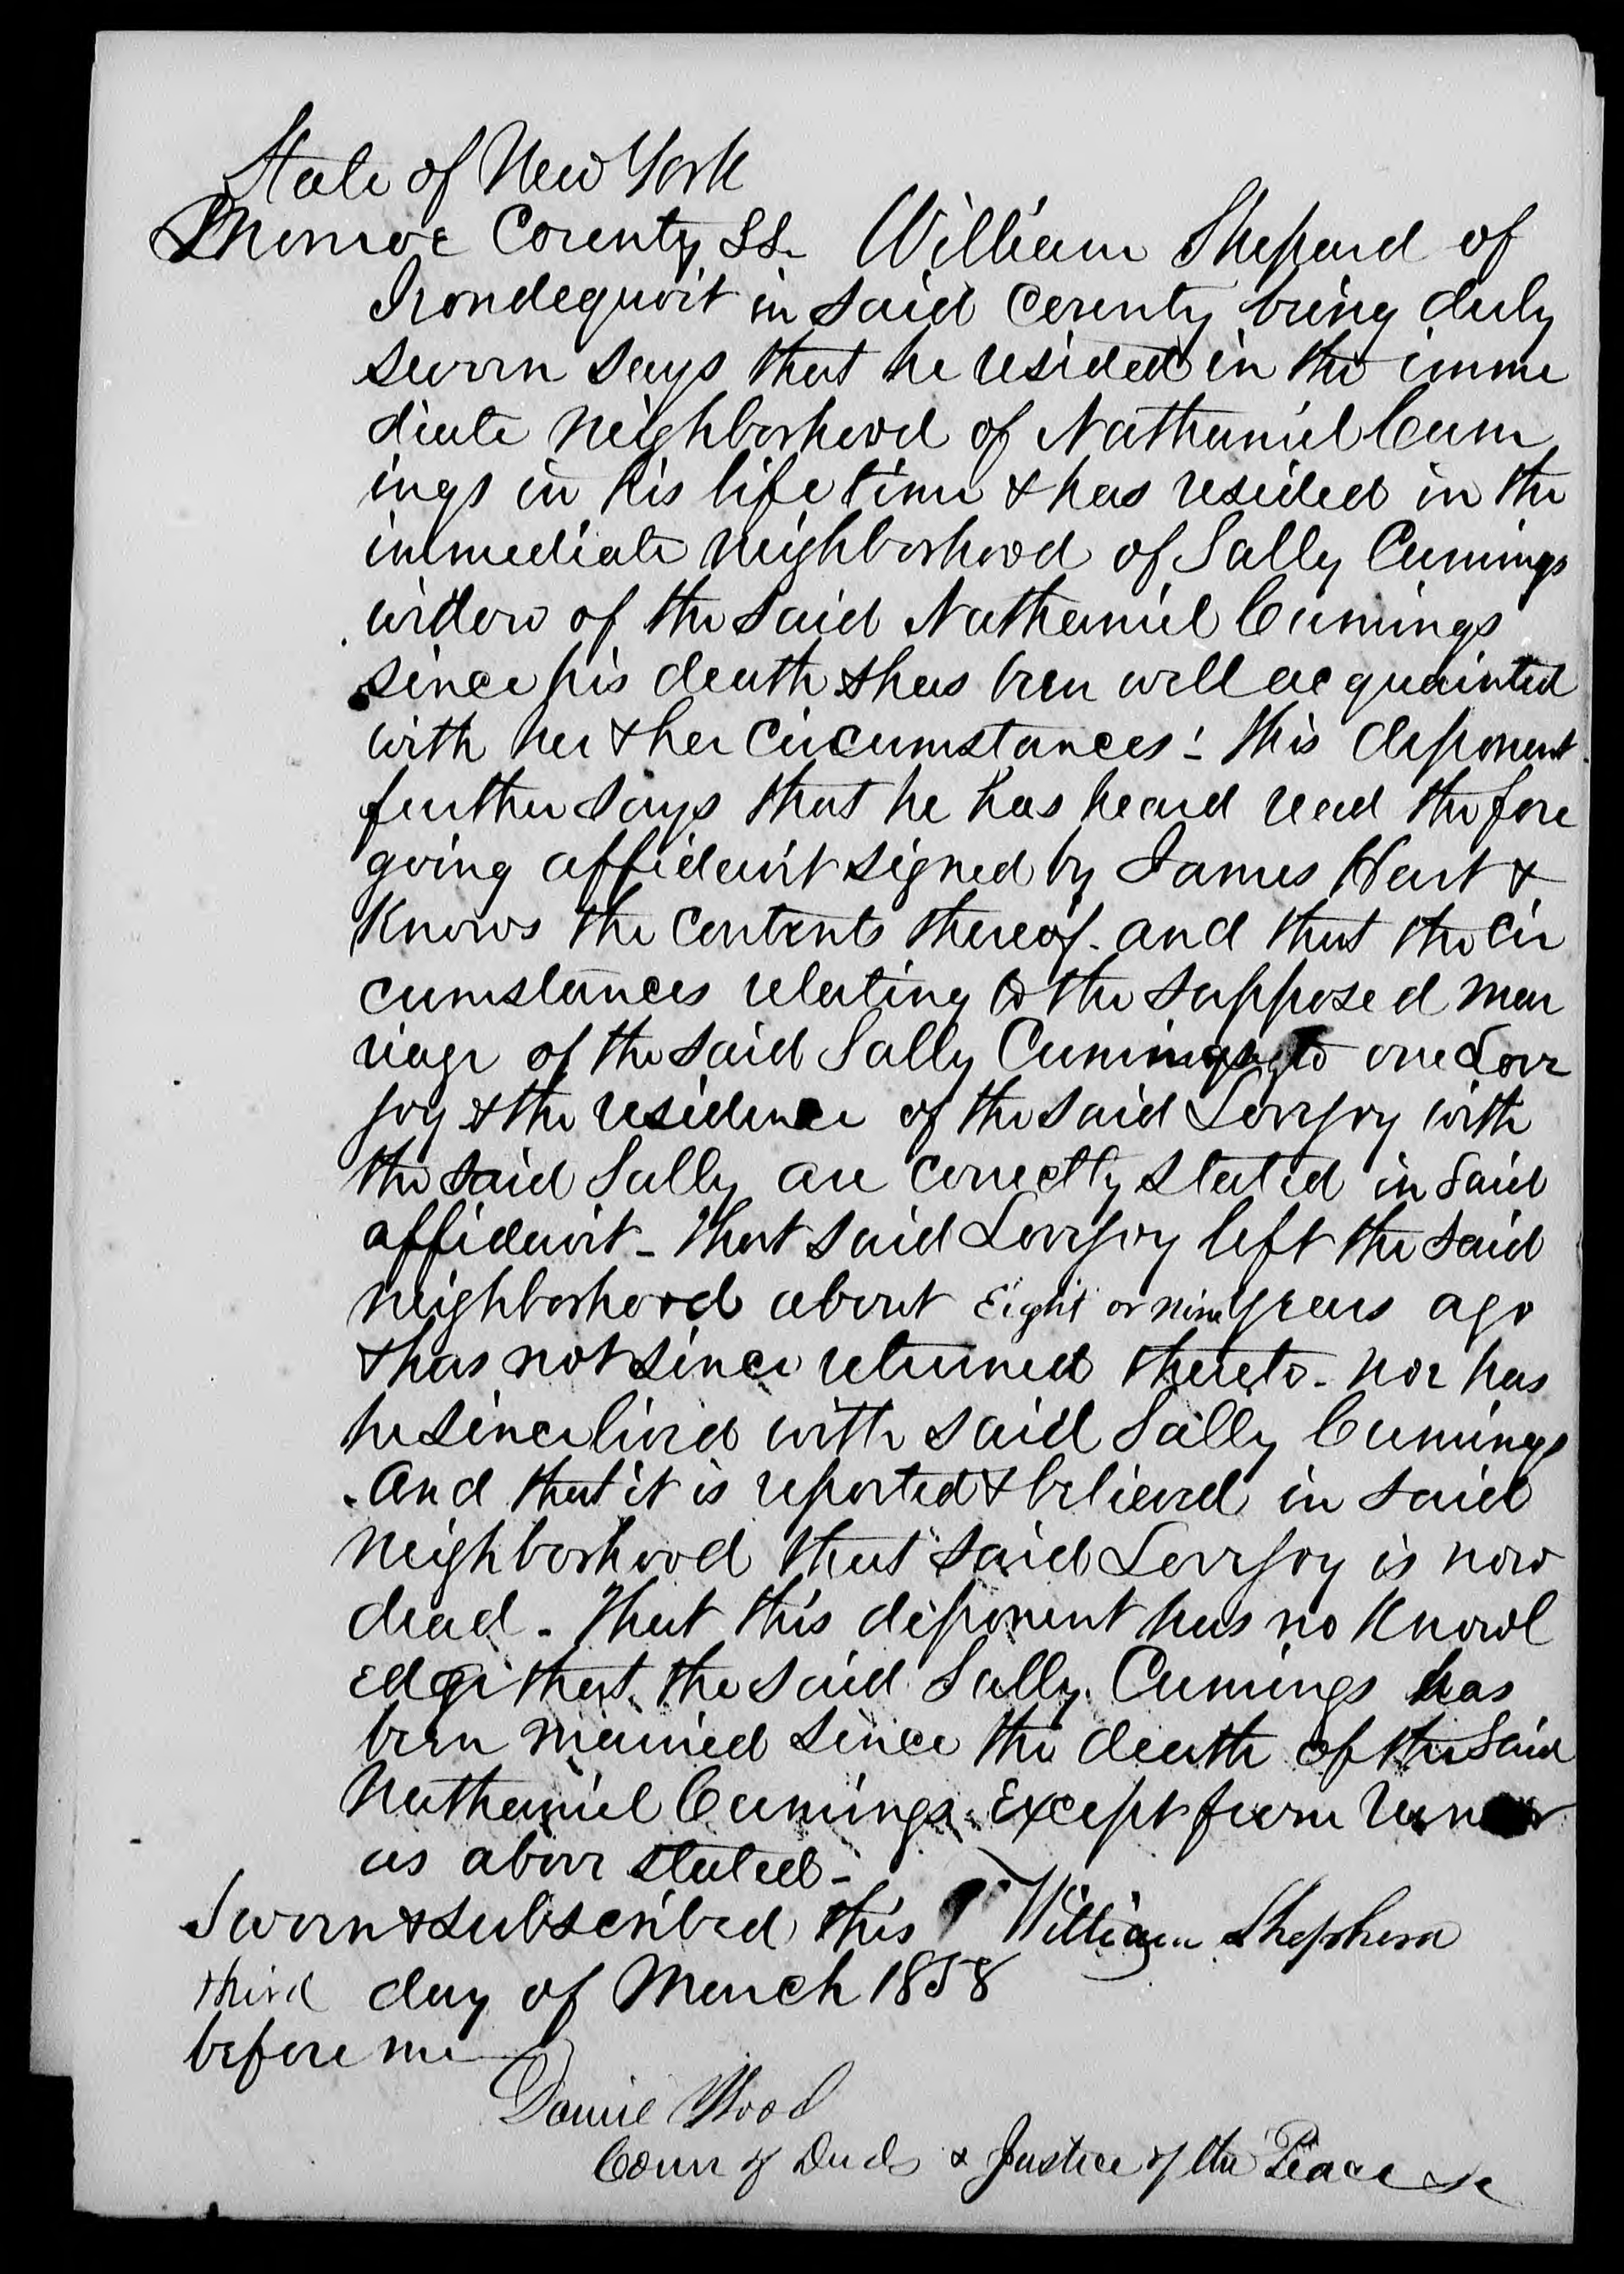State of New York
Monroe County SS
William Shepard of
Irondequoit in said County being duly
sworn says that he resided in the immediate
 neighborhood of Nathaniel Cumings
in his lifetime & has resided in the
immediate neighborhood of Sally Cumings
Widow of the said Nathanel Cumings
since his death has been well acquainted with
her & her circumstances; this deponent
further says that he has heard read the fore
going affidavit signed by James Hart &
knows the contents thereof and that their
Circumstances relating to the supposed marriage of the said Sally Cumings
and one Lovejoy
by and the residence of the said Lovejoy with
the said Sally are correctly stated
in said affidavit that said
 Lovejoy left the said
neighborhood about Eight or nine years ago
& has not since returned thereto, nor has
he since lived with said Sally Cumings
and that it is reported & believed in said
neighborhood that said Lovejoy is now
dead. That this deponent has no knowledge 
that the said Sally Cumings has
been married since the death of the said
Nathaniel Cumings except from 
as above stated,-
Sworn
& subscribed this William Shepherd
third day of March 1858
before me Daniel Wood
Coun of Deeds & Justice of the Peace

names: Sally Cumings, Sally, James Hart, Nathaniel Cumings, William Shepherd, Lovejoy, Nathaniel Cumings, William Shepard, Daniel Wood, Sally Cumings, Nathaniel Cumings, Sally Cumings, Lovejoy, Lovejoy, Sally Cumings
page: 39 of 41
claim: widow's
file: W. 9819, Nathaniel Cumings, Vt.